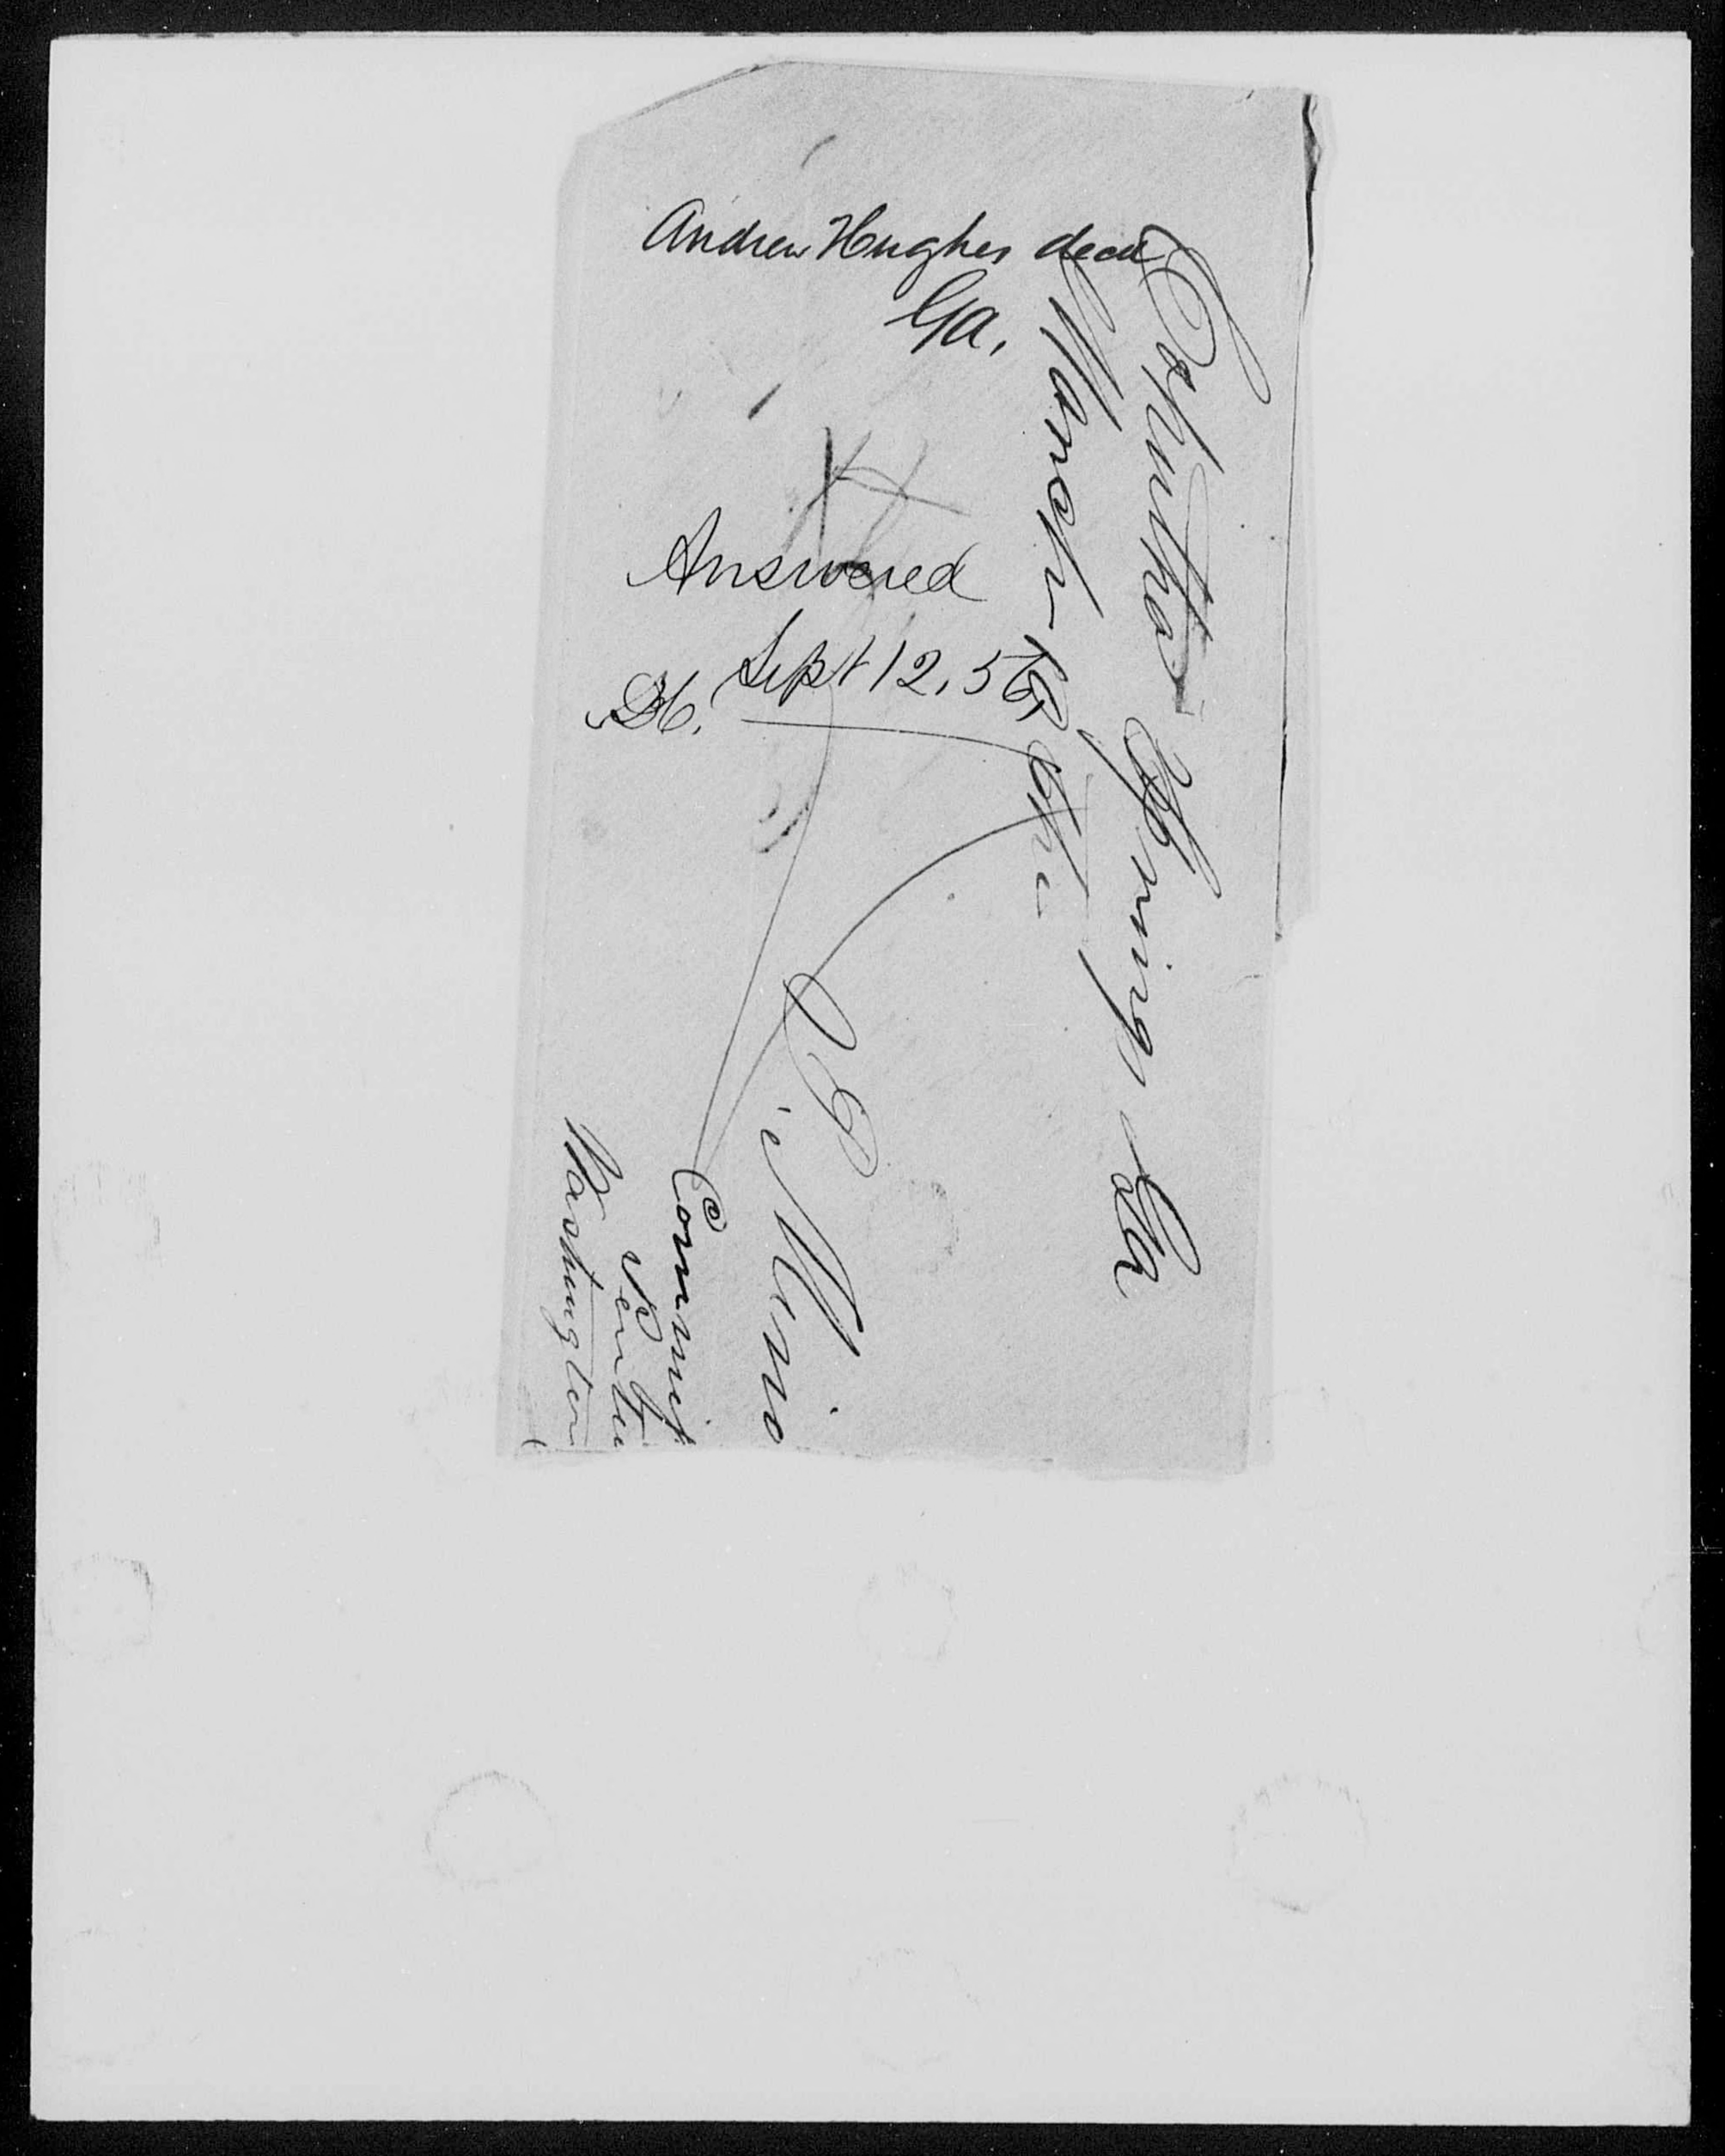Andrew Hughes decd 
Ga.
Answered Sept 12, 56,
[illegible]
Spring Ga.

March 10

 J. Mino [torn]
Commiss [torn]
Washington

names: J Mino, Andrew Hughes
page: 19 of 75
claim: widow's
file: W. 25805, Andrew Hughes, N.C.